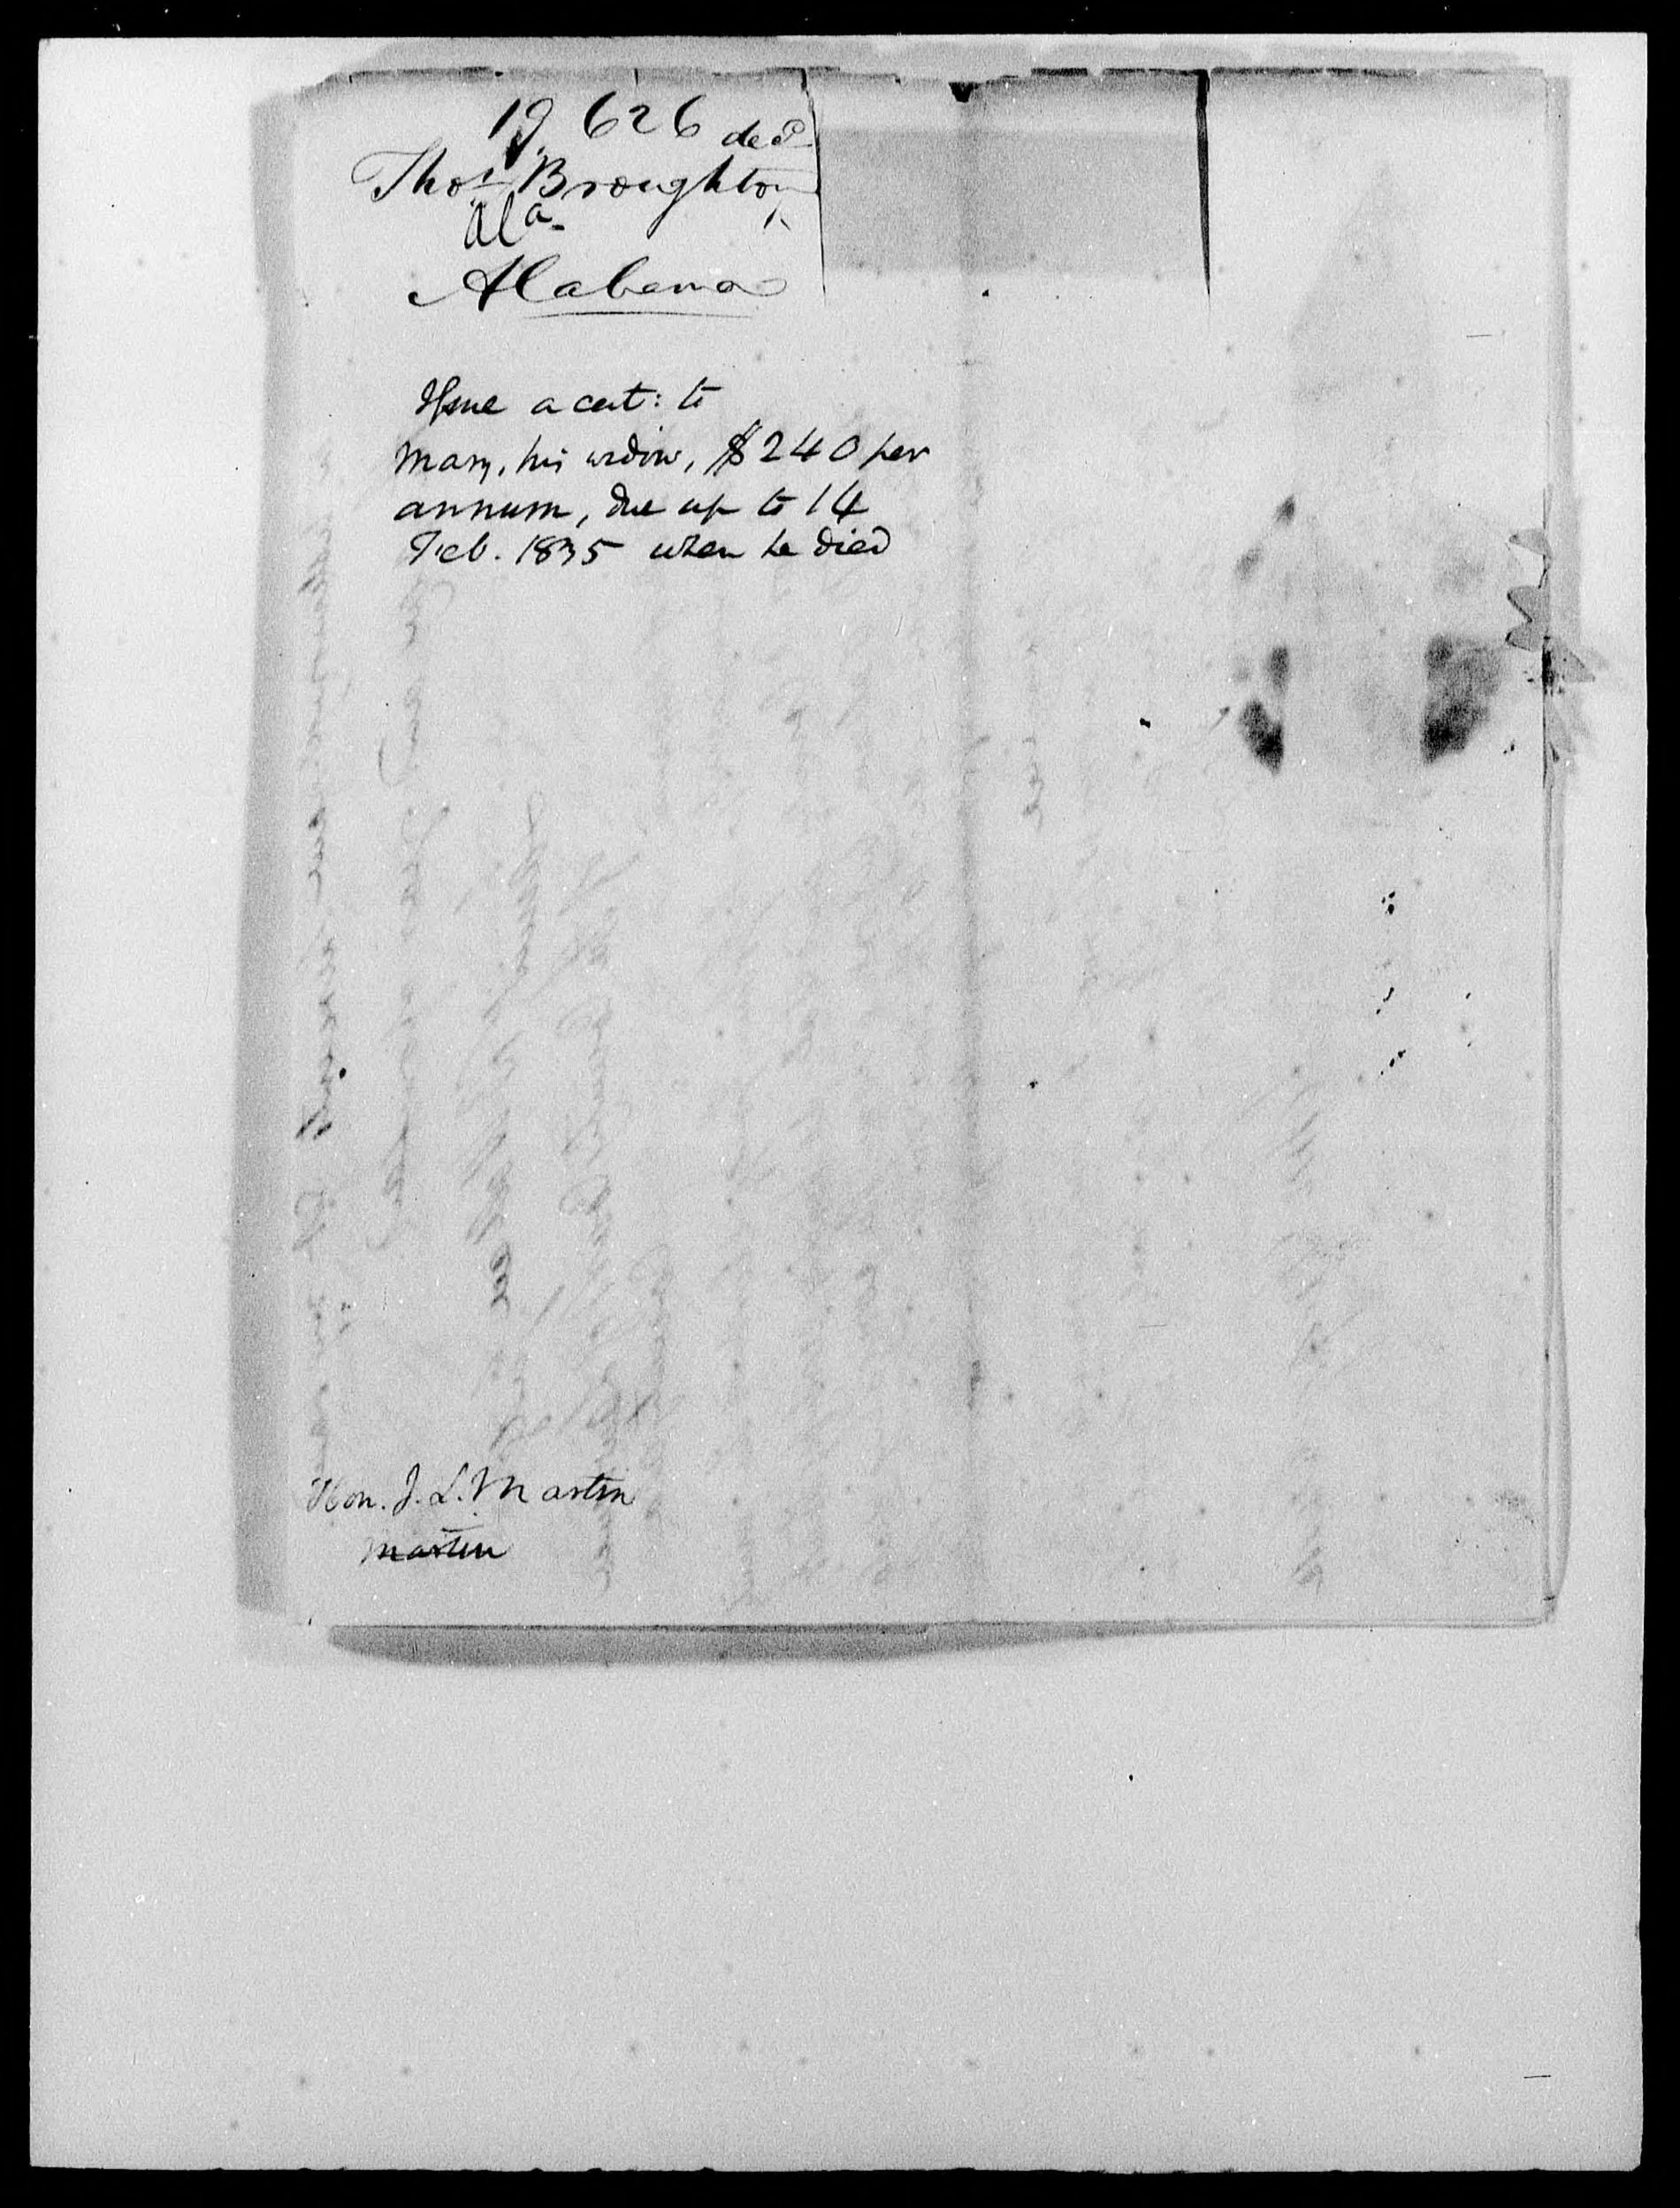19.626  decd
Thos Broughton
Ala
Alabama
_______
Issue a cert: to
Mary, his widow, $240 per
annum, due up to 14
Feb. 1835 when he died
Hor
J. L. Martin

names: Mary, Thos Broughton, J L Martin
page: 6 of 72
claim: widow's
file: W. 897, Thomas Broughton, S.C.